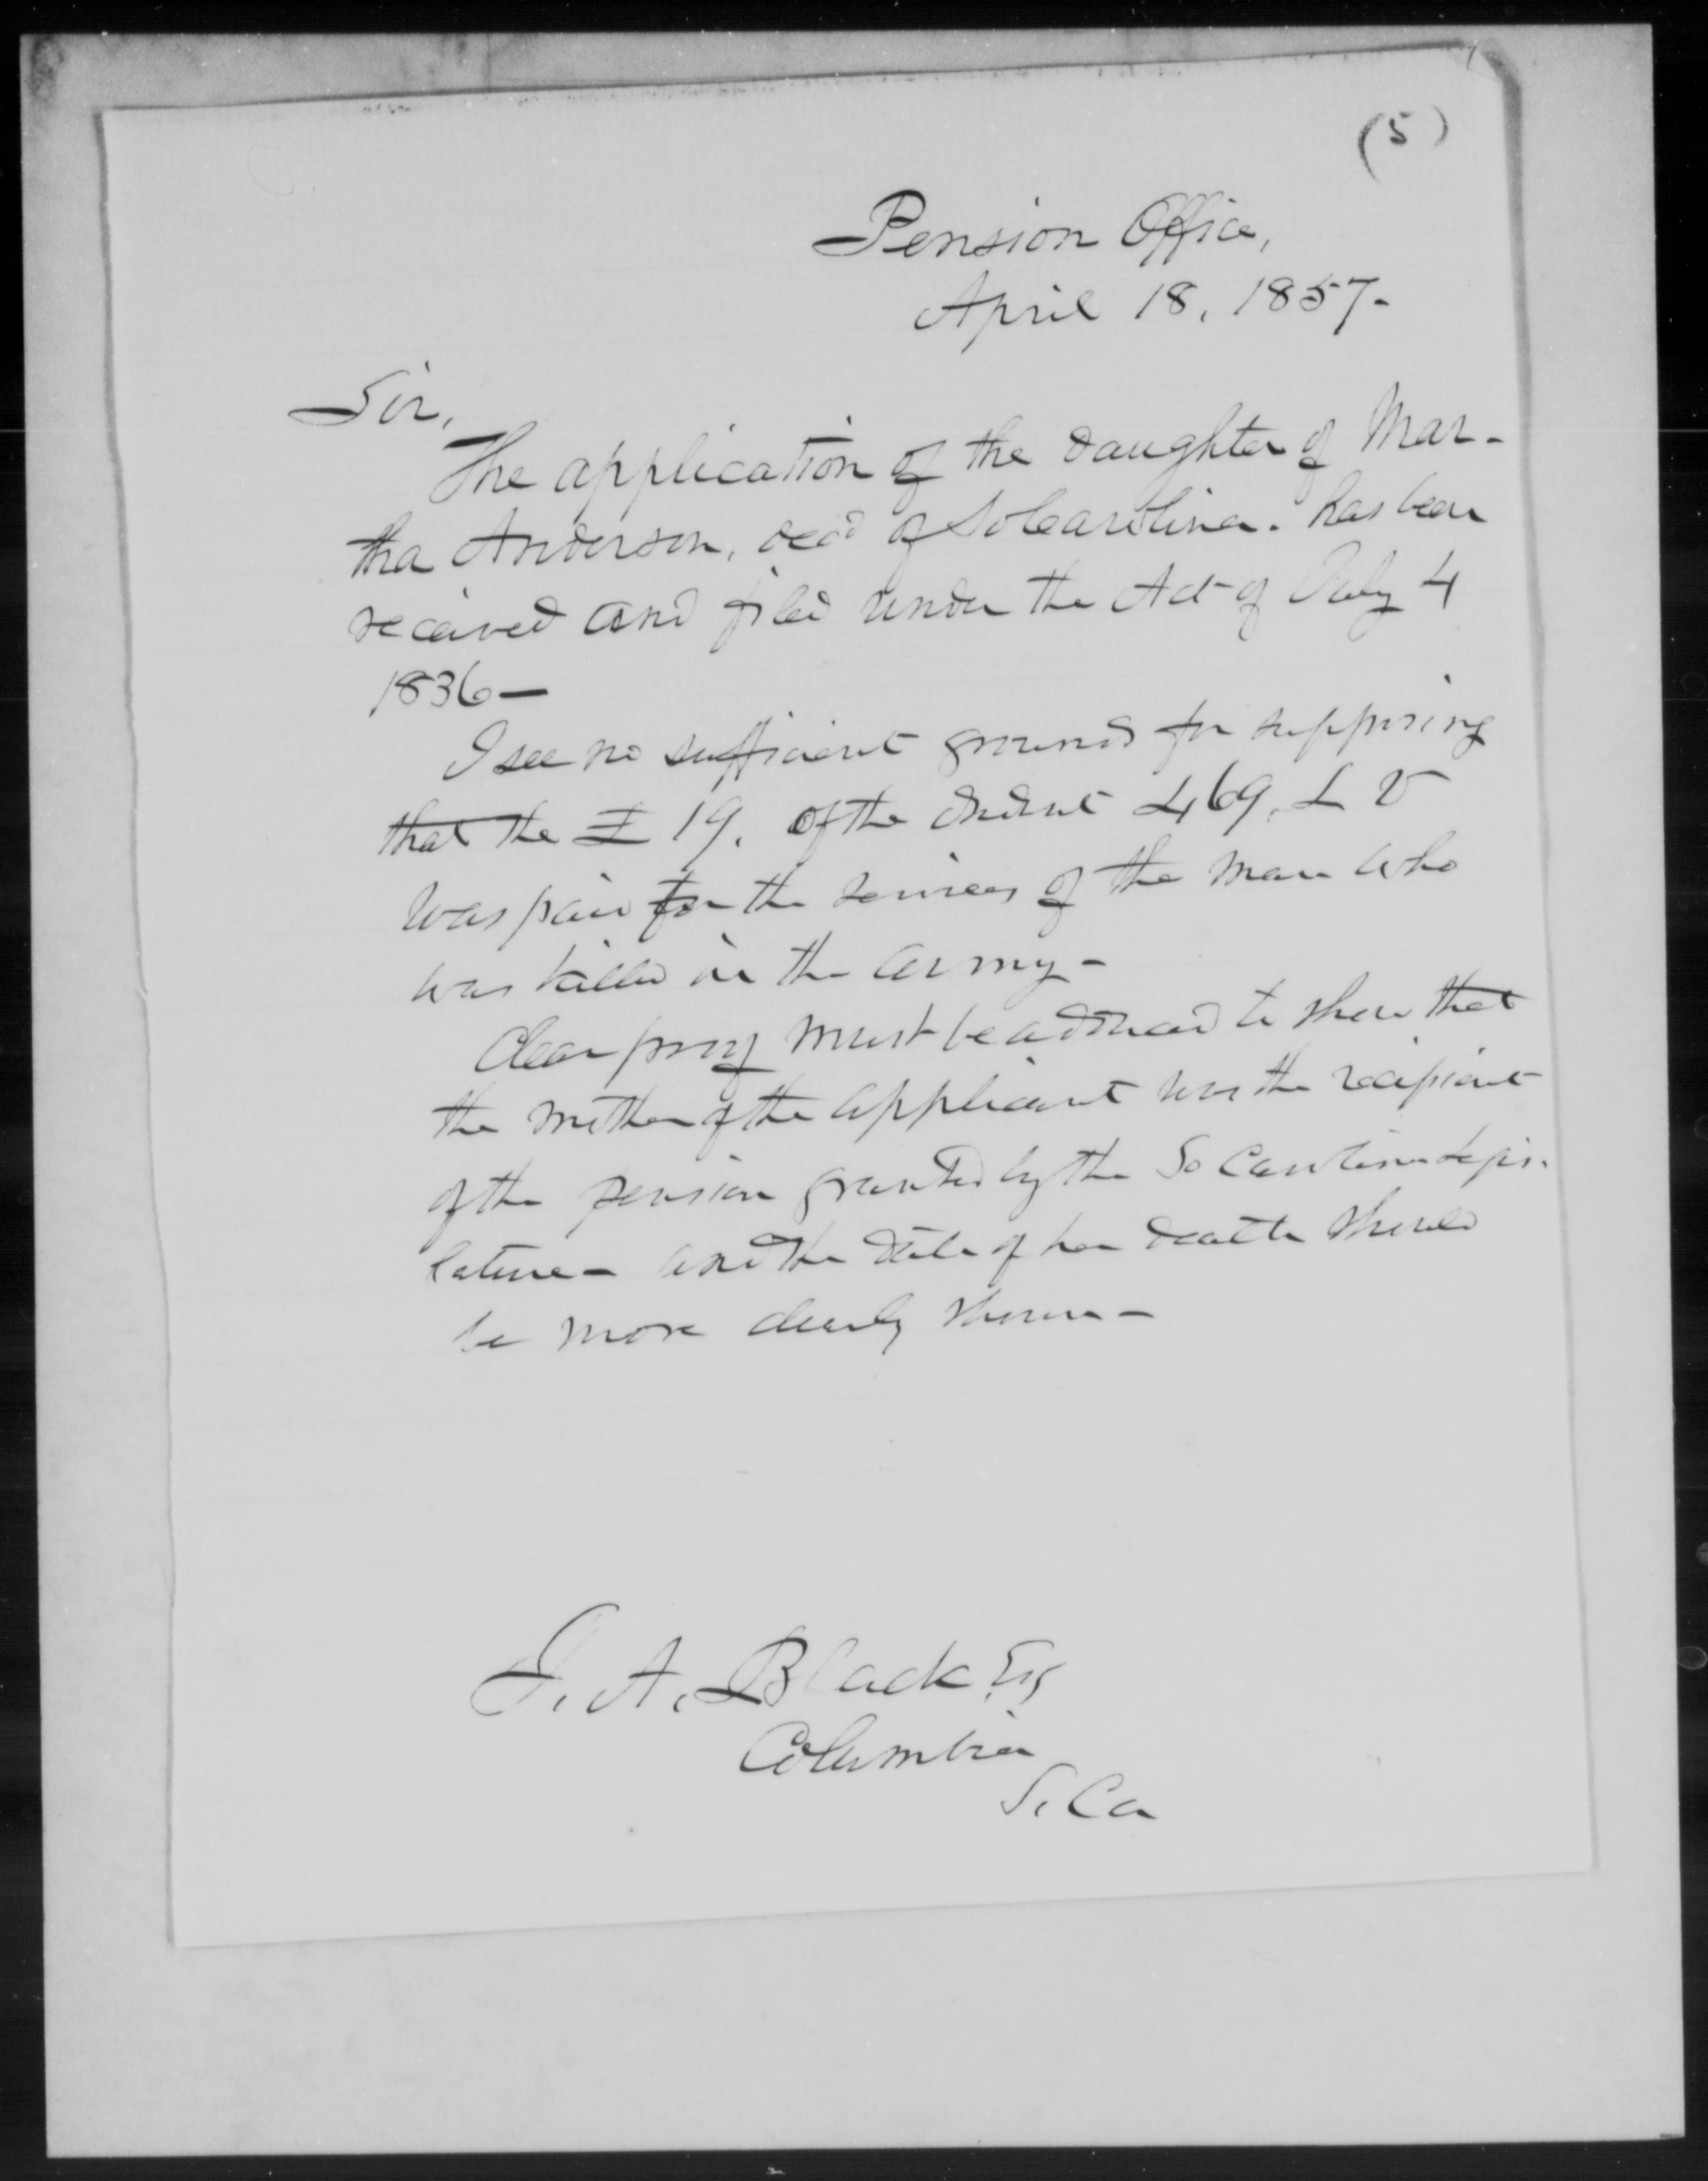(5)

Pension Office,
April 18, 1857.

Sir,

The application of the Daughter of Martha 
Anderson, decd of So Carolina has been 
received and filed under the Act of July 4
1836 -
I see no sufficient grounds for supposing
that the £19 of the Indent 469 L V
was paid for the services of the man who 
was killed in the Army - 
Clear proof must be adhered to show that 
the mother of the applicant was the recipient
of the pension granted by the So Carolina Legislature - and the date of her death should
be more clearly shown -

J. A. Black Esq
Columbia
So Ca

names: Martha Anderson, J A Black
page: 14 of 18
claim: rejected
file: R. 195, James Wilson, S. C.